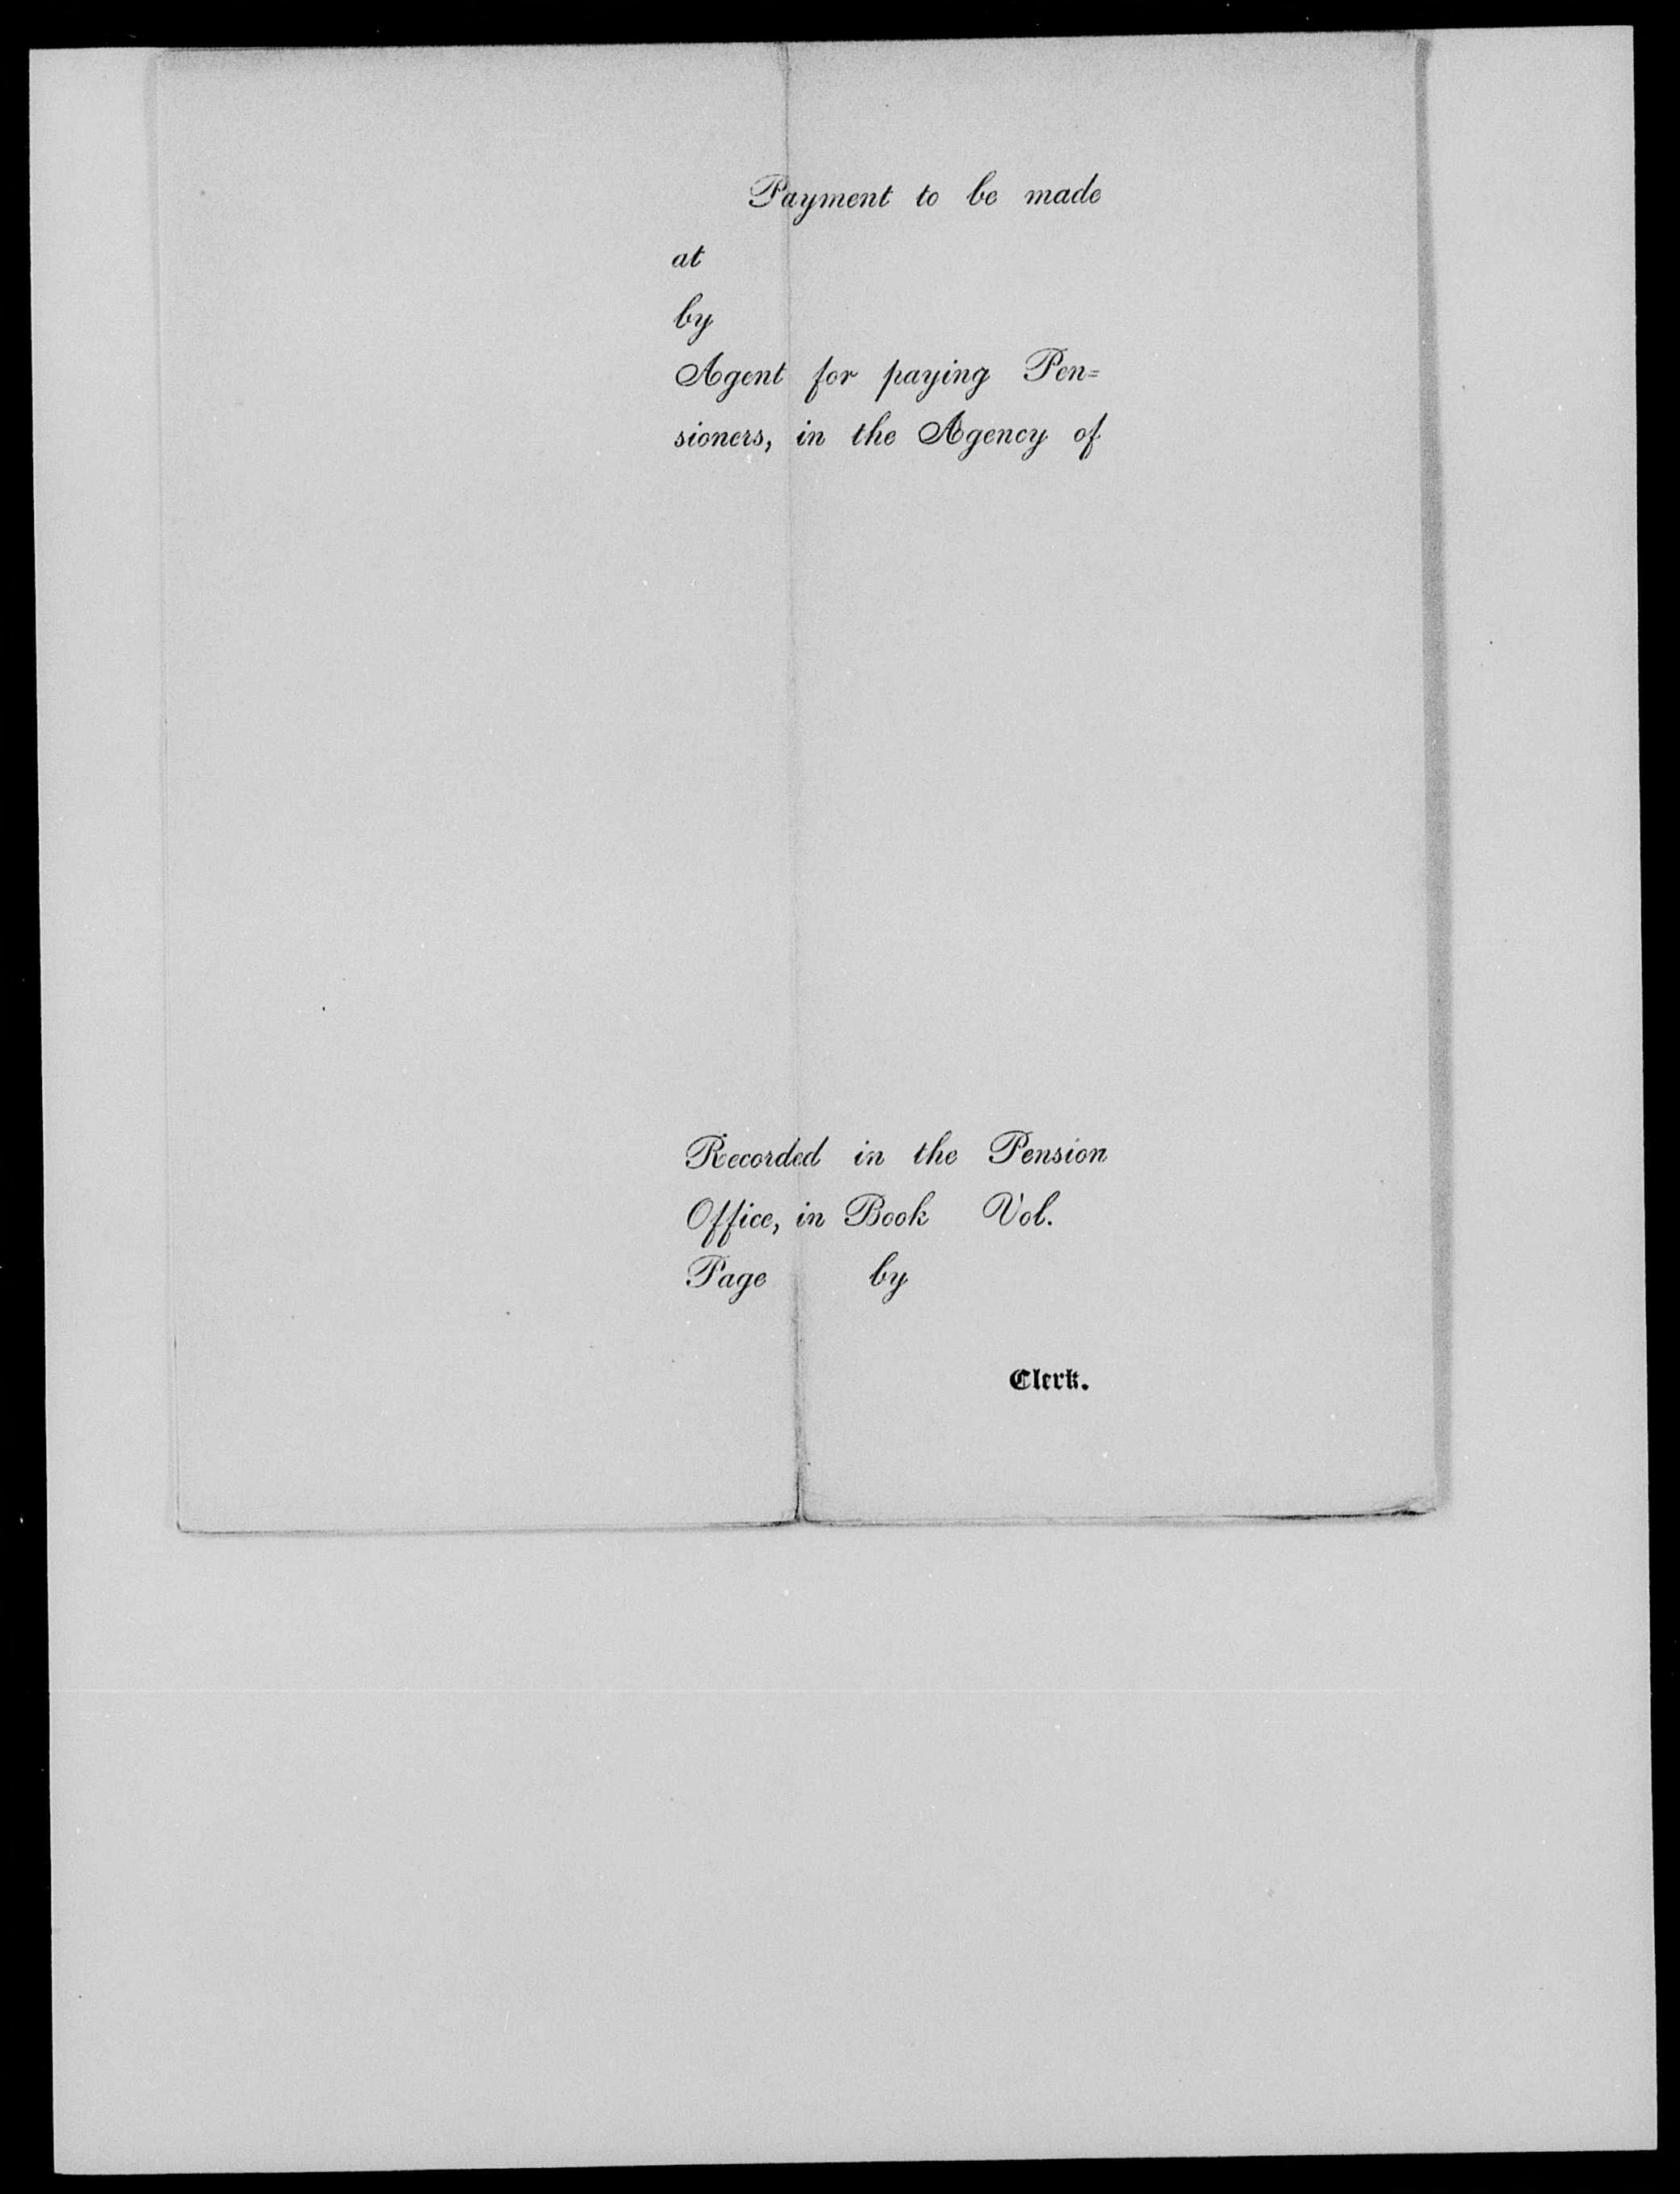Payment to be made
at
by
Agent for paying Peninsioners,
the Agency of
Recorded in the Pension
Office, in Book
Vol.
Page
by
Clerk.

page: 66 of 75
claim: survivor's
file: S. 9989, for William Popham, Delaware